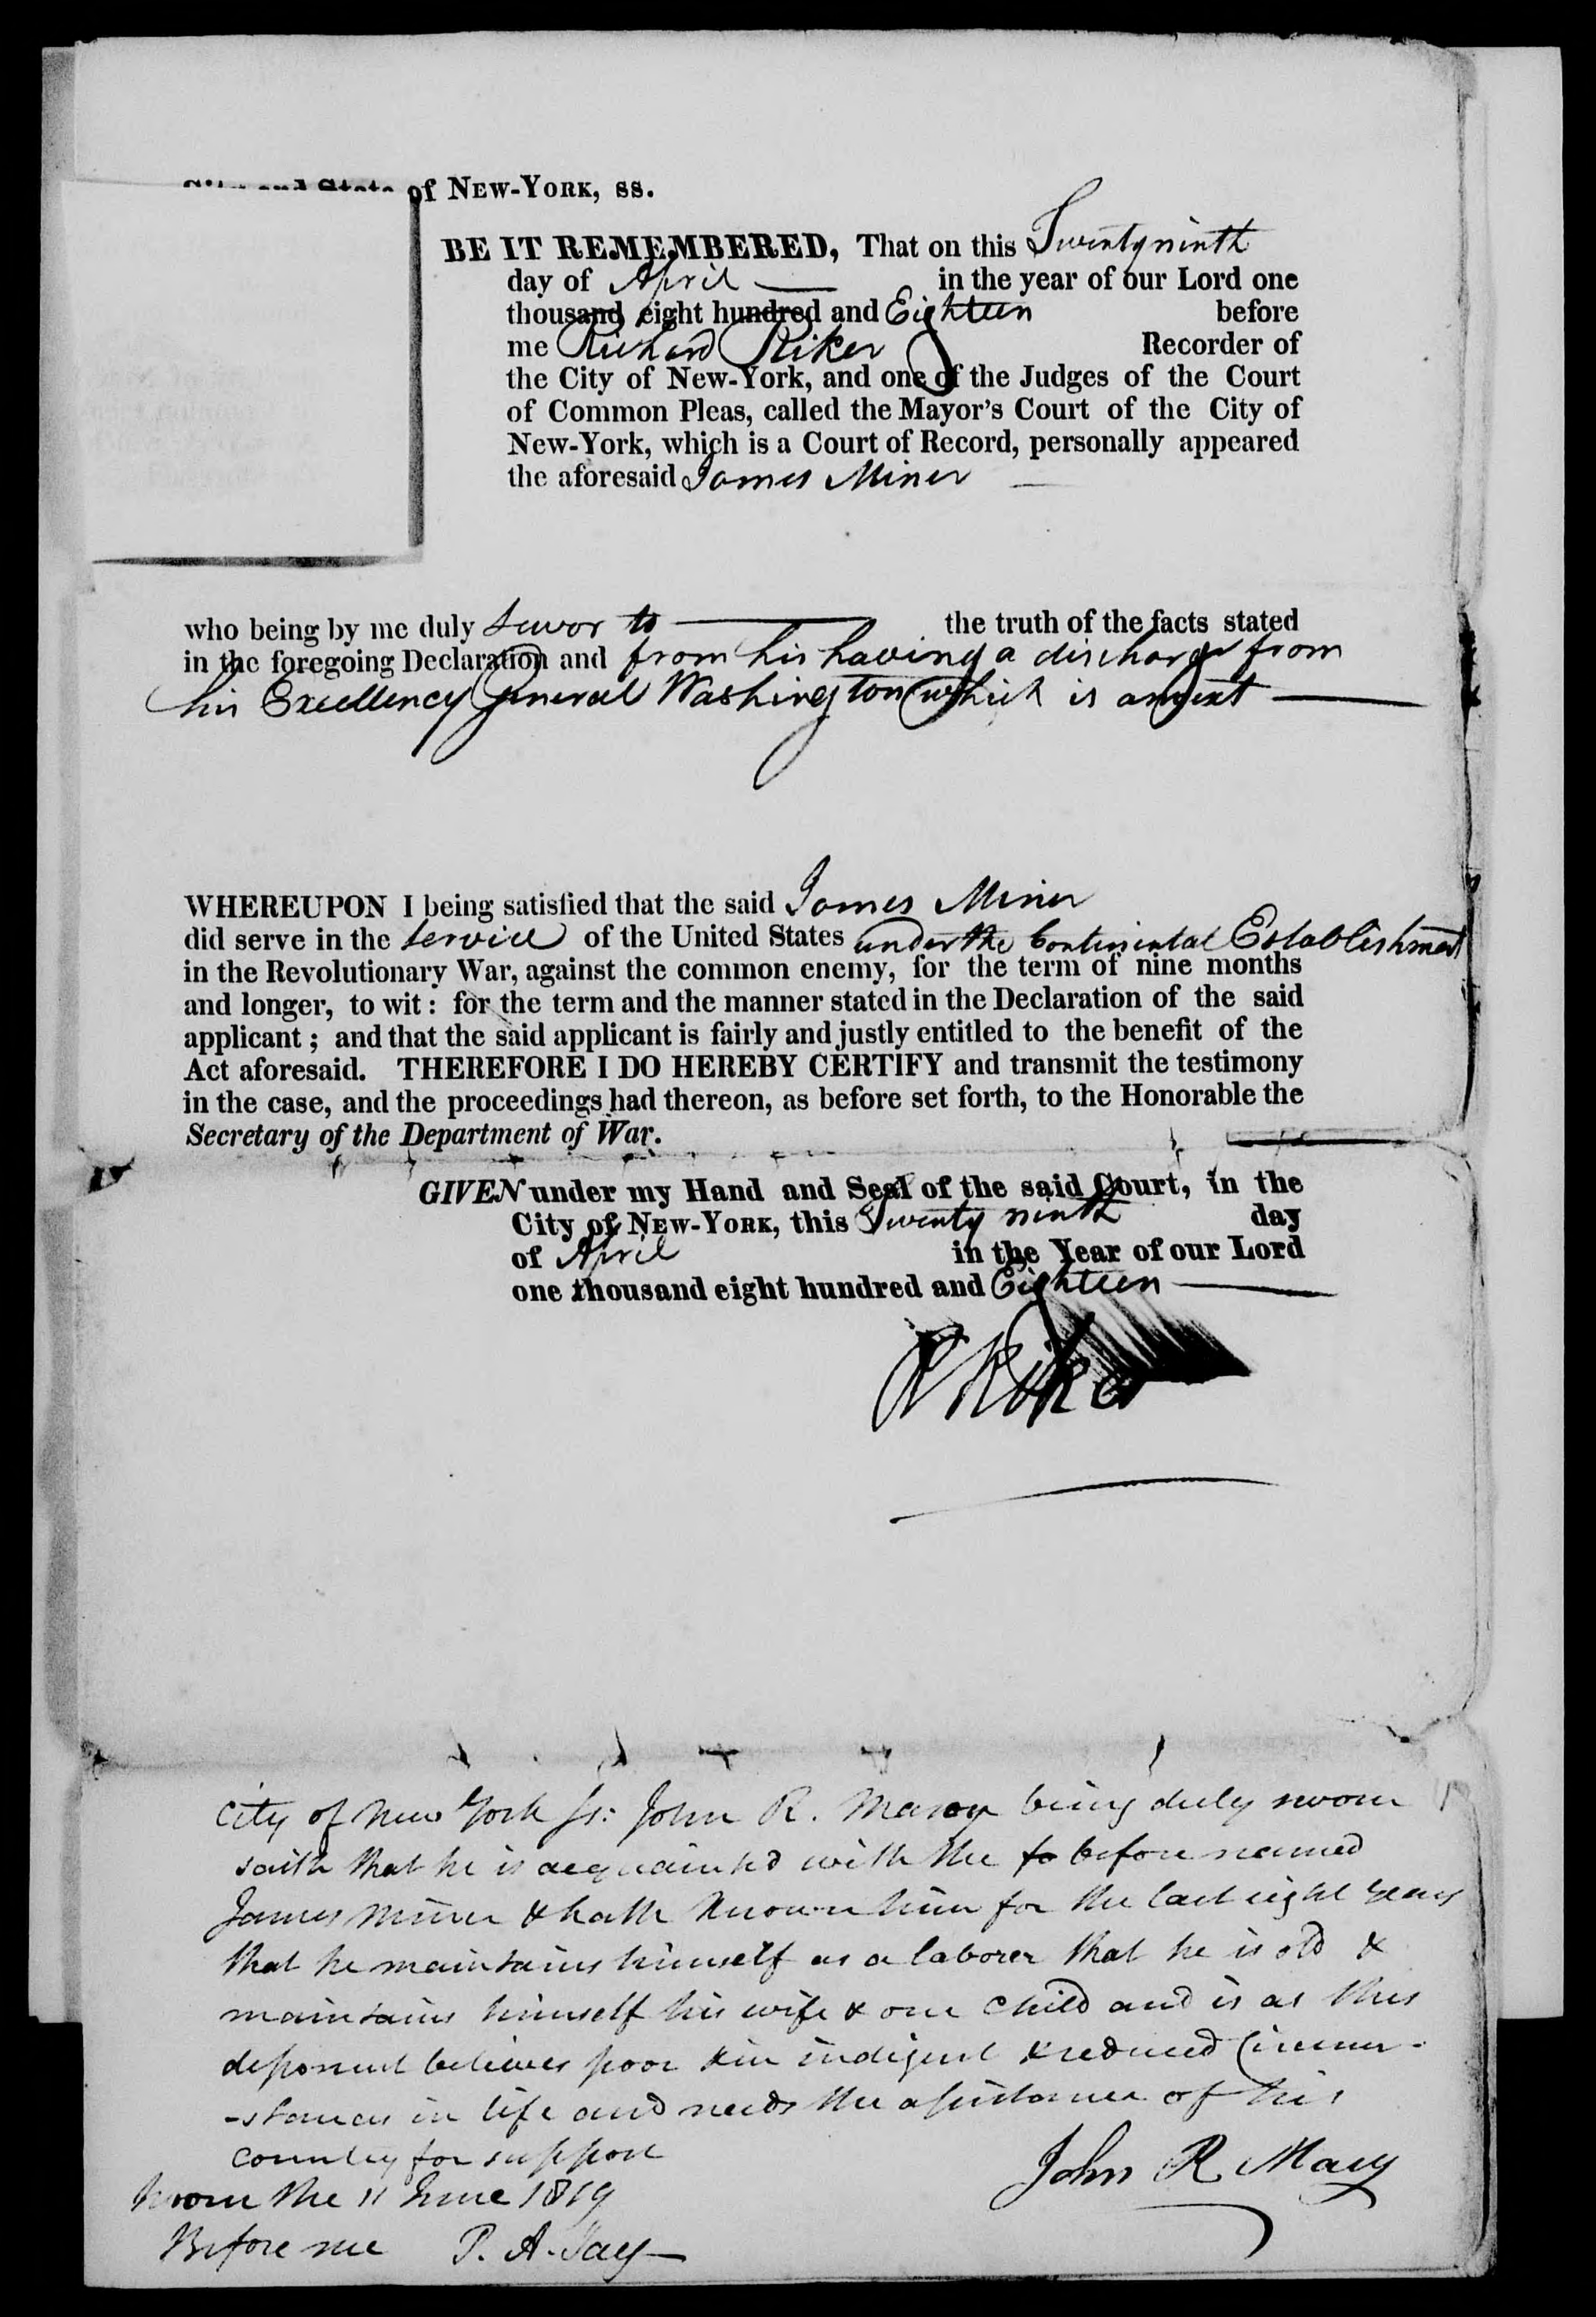City and State of NEW YORK, ss. 

[illegible seal of Court of Common Pleas]

BE IT REMEMBERED, That on this [handwritten Twenty ninth] day of [handwritten April] in the year of our Lord one thousand eight hundred and [handwritten Eighteen] before me [handwritten Richard Riker] Recorder of the City of New-York, and one of the Judges of the Court of Common Pleas, called the Mayor's Court of the City of New-York, which is a Court of Record, personally appeared the aforesaid [handwritten James Miner].

who being by me duly [Sworn to] the truth of the facts stated in the foregoing Declaration and [handwritten from his having a discharge from his Excellency General Washington which is annext].  

WHEREUPON I being satisfied that the said [handwritten James Miner] did serve in the [handwritten Service] of the United States [handwritten under the Continental Establishment] in the Revolutionary War, against the common enemy, for the term of nine months and longer, to wit: for the term and the manner stated in the Declaration of the said applicant; and that the said applicant is fairly and justly entitled to the benefit of the Act aforesaid. THEREFORE I DO HEREBY CERTIFY and transmit the testimony in the case, and the proceedings had thereon, as before set forth, to the Honorable the Secretary of the Department of War. 

GIVEN under my Hand and Seal of the said Court, in the City of NEW-YORK, this [handwritten Twenty ninth] day of [handwritten April] in the Year of our Lord one thousand eight hundred and [handwritten Eighteen]. 

[handwritten signature R Riker

[remainder of page handwritten]
City of New York Ss: John R. Macy being duly sworn saith that he is acquainted with the before named James Miner & hath known him for the last eight years that he maintains himself as a laborer that he is old & maintains himself his wife & one child and is as this deponent believes poor & in indigent & reduced circumstances in life and needs the assistance of his country for support 
John R Macy
Sworn the 11 June 1819
Before me P. A. Jay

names: James Miner; Richard Riker; James R Mason; James R Mary; P A Jay; [BLANK] Washington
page: 15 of 39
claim: survivor's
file: S. 23802, for James Miner, Connecticut